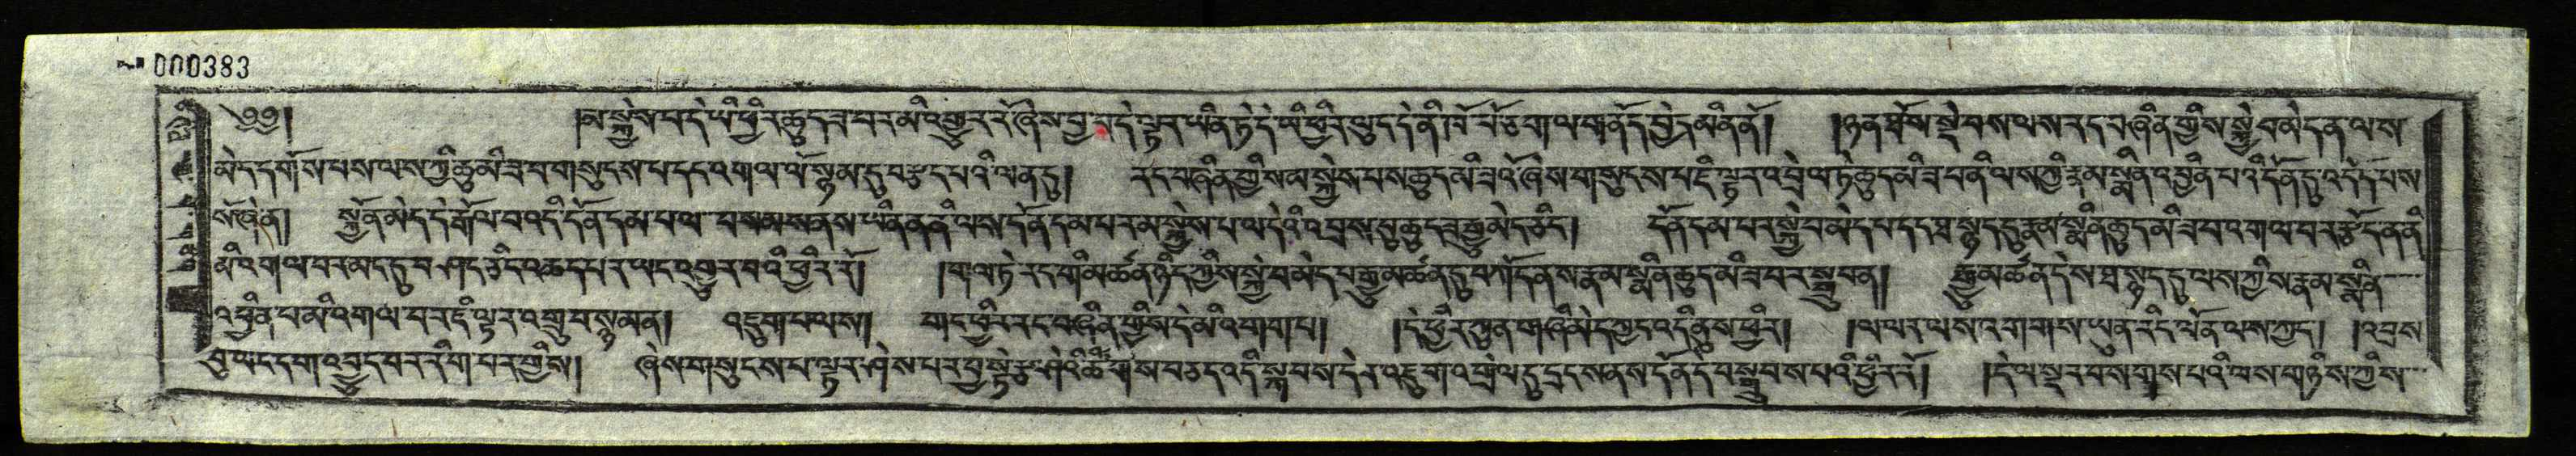༄༅། །མ་སྐྱེས་པ་དེ་ཡི་ཕྱིར་ཆུད་ཟ་བར་མི་འགྱུར་རོ་ཞེས་བྱ་བ་དེ་ལྟར་ཡིན་ཏེ་དེ་ཡི་ཕྱིར་ལུང་དེ་ནི་ཁོ་བོ་ཅག་ལ་གནོད་བྱེད་མིན་ནོ། །ཉན་ཐོས་སྡེབས་ལས་རང་བཞིན་གྱིས་སྐྱེ་བ་མེད་ན་ལས་
མེད་དགོས་པས་ལས་ཀྱི་ཆུ་མི་ཟ་བ་གསུངས་པ་དང་འགལ་ལོ་སྙམ་དུ་བརྩད་པའི་ལན་དུ། རང་བཞིན་གྱིས་མ་སྐྱེས་པས་ཆུད་མི་ཟའོ་ཞེས་གསུངས་པ་ཇི་ལྟར་འབྲེལ་ཏེ་ཆུད་མི་ཟ་བ་ནི་ལས་ཀྱི་རྣམ་སྨིན་འབྱིན་པའི་དོན་དུ་འདོད་པས་
སོ་ཞེ་ན། སྐྱོན་མེད་དེ་རྒོལ་བ་འདི་དོན་དམ་པ་ལ་བསམས་ནས་ཡིན་ན་ནི་ལས་དོན་དམ་པར་མ་སྐྱེས་པ་ལ་དེའི་འབྲས་བུ་ཆུད་ཟ་རྒྱུ་མེད་ཅིང་། དོན་དམ་པར་སྐྱེ་བ་མེད་པ་དང་ཐ་སྙད་དུ་རྣམ་སྨིན་ཆུད་མི་ཟ་བ་འགལ་བར་རྩོད་ན་ནི་
མི་འགལ་བར་མང་དུ་བཤད་ཅིང་འཆད་པར་ཡང་འགྱུར་བའི་ཕྱིར་རོ། །གལ་ཏེ་རང་གི་མཚན་ཉིད་ཀྱིས་སྐྱེ་བ་མེད་པ་རྒྱུ་མཚན་དུ་བཀོད་ནས་རྣམ་སྨིན་ཆུད་མི་ཟ་བར་སྒྲུབ་ན། རྒྱུ་མཚན་དེས་ཐ་སྙད་དུ་ལས་ཀྱིས་རྣམ་སྨིན་
འབྱིན་པ་མི་འགལ་བར་ཇི་ལྟར་འགྲུབ་སྙམ་ན། འཇུག་པ་ལས། གང་ཕྱིར་རང་བཞིན་གྱིས་དེ་མི་འགག་པ། །དེ་ཕྱིར་ཀུན་གཞི་མེད་ཀྱང་འདི་ནུས་ཕྱིར། །ལ་ལར་ལས་འགགས་ཡུན་རིང་ལོན་ལས་ཀྱང་། །འབྲས་
བུ་ཡང་དག་འབྱུང་བར་རིག་པར་གྱིས། ཞེས་གསུངས་པ་ལྟར་ཤེས་པར་བྱ་སྟེ་རྩ་ཤེའི་ཚིགས་བཅད་འདི་སྐབས་དེར་འཇུག་འགྲེལ་དུ་དྲངས་ནས་དོན་དེ་བསྒྲུབས་པའི་ཕྱིར་རོ། །དེ་ལ་སྔར་བསགས་པའི་ལས་གཉིས་ཀྱིས་